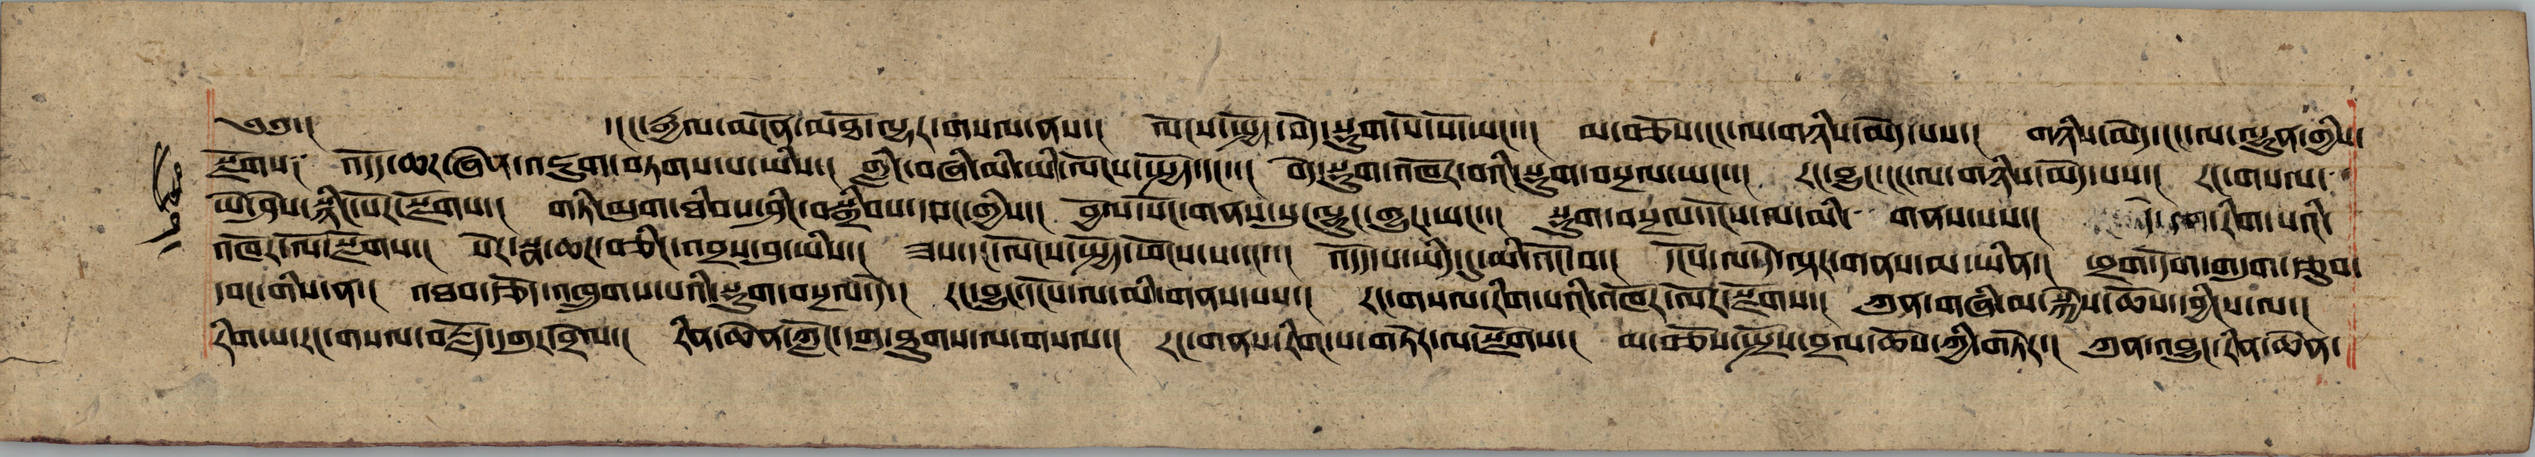༄༅་། ་།ང་རྒྱལ་མངོན་མཐོ་ལྷར་གསལ་ནས་། ལོངས་སྤྱོད་བདེ་སྡུག་སོ་སོ་ཡང་་། མ་བཅོས་ངང་ལ་གཉིས་མེད་པས་། གཉིས་མེད་ངང་ལ་ལྷུན་གྱིས་
སྫོགས༑ འདོད་ཆཌ་ཞེན་འཇུག་བཏགས་པ་ཡིས་། གླིང་བཞི་མི་ཡི་ལོངས་སྤྱོད་དང་་། བདེ་སྡུག་འཁོར་བའི་སྡུག་བསྔལ་ཡངས་། རང་བྱུང་ངང་ལ་གཉིས་མེད་པས་། རང་གསལ་
ཡེ་ཤེས་སྙིང་པོར་སྫོགས་། གཏི་མུག་ཐིབས་ཤིང་བསྒྲིབས་དབང་གྱིས་། བྱོལ་སོང་གནས་སུ་ལྷུང་གྱུར་ཡང་་། སྡུག་བསྔལ་དངོས་ལ་མི་ གནས་པས་། དེ་དག་རིག་པའི་
འཁོར་ལོ་སྫོགས་། སེར་སྣ་ཆཌ་བཅིང་འབྲས་བུ་ཡིས་། ཟས་དང་ལོངས་སྤྱོད་ཕོངས་པ་དང་་། འདོད་པ་ཡིད་དུ་མི་འོང་བ་། དངོས་ལ་དེ་ལྟར་གནས་མ་ཡིན་། ཕྲག་དོག་གདུག་རྩུབ་
དབང་གིས་ན་། འཐབ་རྩོད་འཁྲུགས་པའི་སྡུག་བསྔལ་དེ་། རང་བྱུང་དངོས་ལ་མི་གནས་པས་། རང་གསལ་རིག་པའི་འཁོར་ལོར་སྫོགས་། ཀུན་གཞི་མ་སྐྱེས་ཆོས་དབྱིངས་ལ་།
རིག་པ་རང་གསལ་བརྗོད་དགུར་བྲེལ་། རིན་ཆེན་ཀློང་དགུ་ཐུགས་ལ་གསལ་། རང་གནས་རིག་པ་གཏེར་ལ་སྫོགས་། མ་བཅོས་སྤྲོས་བྲལ་ཆོས་ཀྱི་གཏེར་། ཀུན་འབྱུང་རིན་ཆེན་